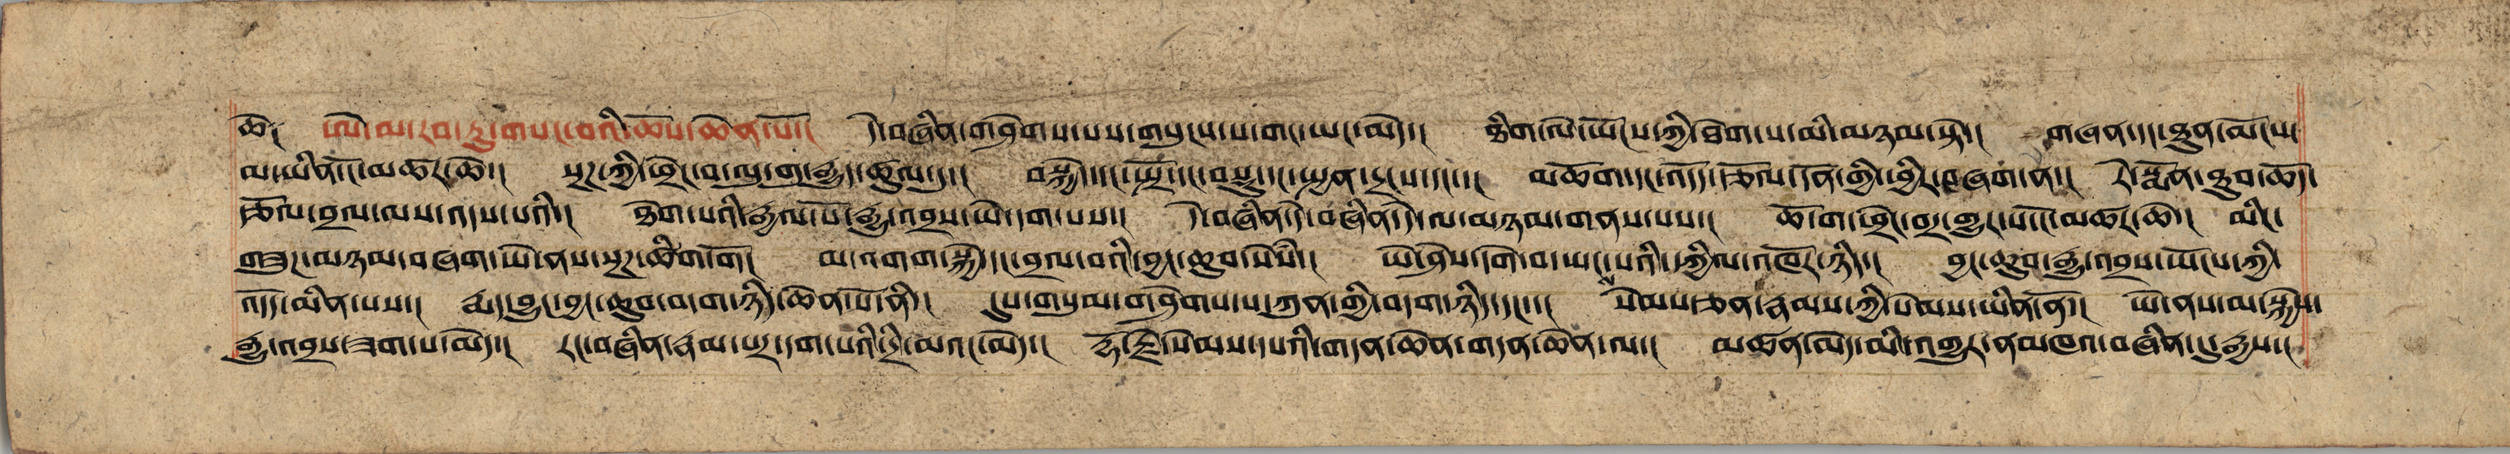ཆེ༑ ཨེ་མ་རབ་ཏུ་གསང་བའི་ཆོས་ཆེན་པོ་། དེ་བཞིན་གཤེགས་པས་གསུངས་པ་གང་ཡང་མེད་། ཐིག་ལེ་ཡོངས་ཀྱི་ཐེག་པ་མི་མཉམ་སྟེ་། གཞན་དད་ཐུན་མོངས་
མ་ཡིན་ངོ་མཚར་ཆེ་། སྔཌ་ཀྱི་ཕྲེང་བ་ལུ་གུ་རྒྱུད་ཚུལ་དུ་། བསྐྱེད་དང་སྤྲོ་དང་བསྡུ་དང་སྤྱན་དྲངས་དང་་། མཆོག་དང་འདོད་རྩོལ་དོན་གྱི་ཕྱིར་བཞག་ན་། རེ་སྨོན་ཐུབ་ཆོད་
རྩོལ་བྲལ་ལས་འདས་པའི་། ཐེག་པའི་རྒྱལ་པོ་རྒྱུ་འབྲས་ཡེ་དག་པས་། དེ་བཞིན་དེ་བཞིན་དེ་ལ་མཉམ་གནས་པས་། ཆོ་ག་ཕྲེང་བར་གྱུར་པ་ངོ་མཚར་ཆེ་། མིང་
གཟུགས་མཉམ་བཞག་ཡེ་ནས་སྔཌ་ཚིག་གོ། མ་འགག་སྐྱེ་དང་བྲལ་བའི་བྱང་ཆུབ་སེཾས་། ཡེ་ཤེས་དགེ་བ་ཡངས་པའི་དཀྱིལ་འཁོར་ཉིད་། བྱང་ཆུབ་རྒྱུ་འབྲས་ཡོངས་ཀྱི་
འདོད་མིན་པས་། རྨད་བྱུང་བྱང་ཆུབ་བདག་ཉིད་ཆེན་པོ་ནི་། དུས་གསུམ་གཤེགས་པ་ཀུན་གྱི་བདག་ཉིད་དང་་། སེམས་ཅན་རྣམས་ཀྱི་སེམས་ཡིན་ནོ་། ཡེ་ནས་མ་སྐྱེས་
རྒྱུ་འབྲས་ཟག་པ་མེད་། རང་བཞིན་རྣམ་པར་དག་པའི་དྲི་མའང་མེད་། རྡོ་རྗེ་སེམས་དཔའི་གདན་ཆེན་གདན་ཆེན་ལ་། མཚན་མེད་མི་འགྱུར་ནམཁའ་བཞིན་དུ་རྒྱས་།